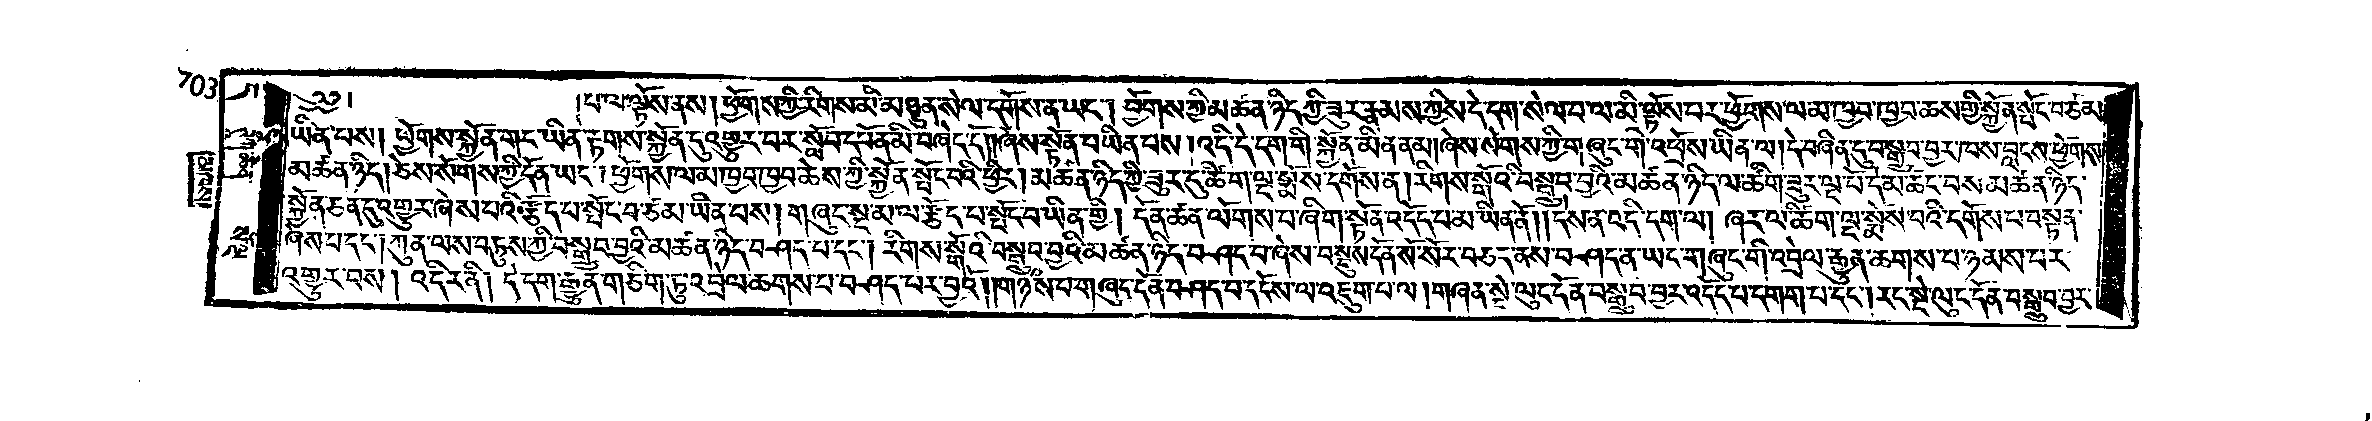༄༅། །པ་ལ་ལྟོས་ནས། ཕྱོགས་ཀྱི་རིགས་མི་མཐུན་སེལ་དགོས་ན་ཡང་། ཕྱོགས་ཀྱི་མཚན་ཉིད་ཀྱི་ཟུར་རྣམས་ཀྱིས་དེ་དག་སེལ་བ་ལ་མི་ལྟོས་པར་ཕྱོགས་ལ་མ་ཁྱབ་ཁྱབ་ཆས་གྱི་སྐྱོན་སྤོང་བ་ཙམ་
ཡིན་པས། ཕྱོགས་སྐྱོན་གང་ཡིན་རྟགས་སྐྱོན་དུ་འགྱུར་བར་སློབ་དཔོན་མི་བཞེད་དོ། །ཞེས་སྟོན་པ་ཡིན་པས། འདི་དེ་དག་གི་སྐྱོན་མིན་ནམ། ཞེས་སོགས་ཀྱི་གཞུང་གི་འཕྲོས་ཡིན་ལ། དེ་བཞིན་དུ་བསྒྲུབ་བྱར་ཁས་བླངས་ཕྱོགས་
མཚན་ཉིད། ཅེས་སོགས་ཀྱི་དོན་ཡང་། ཕྱོགས་ལ་མ་ཁྱབ་ཁྱབ་ཆེས་ཀྱི་སྐྱོན་སྤོང་བའི་ཕྱིར། མཚན་ཉིད་ཀྱི་ཟུར་དུ་ཚིག་ལྔ་སྨོས་དགོས་ན། རིགས་སྒོའི་བསྒྲུབ་བྱའི་མཚན་ཉིད་ལ་ཚིག་ཟུར་ལྔ་པོ་དེ་མ་ཚང་བས་མཚན་ཉིད་
སྐྱོན་ཅན་དུ་འགྱུར་ཞེས་པའི་རྩོད་པ་སྤོང་བ་ཙམ་ཡིན་པས། གཞུང་སྔ་མ་ལ་རྩོད་པ་སྤོང་བ་ཡིན་གྱི། དོན་ཚན་ལོགས་པ་ཞིག་སྟོན་འདོད་པ་མ་ཡིན་ནོ། །དེས་ན་འདི་དག་ལ། ཞར་ལ་ཚིག་ལྔ་སྨོས་པའི་དགོས་པ་བསྟན་
ཞེས་པ་དང་། ཀུན་ལས་བཏུས་ཀྱི་བསྒྲུབ་བྱའི་མཚན་ཉིད་བཤད་པ་དང་། རིགས་སྒོའི་བསྒྲུབ་བྱའི་མཚན་ཉིད་བཤད་པ་ཞེས་བསྡུས་དོན་སོ་སོར་བཅད་ནས་བཤད་ན་ཡང་གཞུང་གི་འབྲེལ་རྒྱུན་ཆགས་པ་ཉམས་པར་
འགྱུར་བས། འདིར་ནི། དེ་དག་རྒྱུན་གཅིག་ཏུ་འབྲེལ་ཆགས་པ་བཤད་པར་བྱའོ། །གཉིས་པ་གཞུང་དོན་བཤད་པ་དངོས་ལ་འཇུག་པ་ལ། གཞན་སྡེ་ལུང་དོན་བསྒྲུབ་བྱར་འདོད་པ་དགག་པ་དང་། རང་སྡེ་ལུང་དོན་བསྒྲུབ་བྱར་